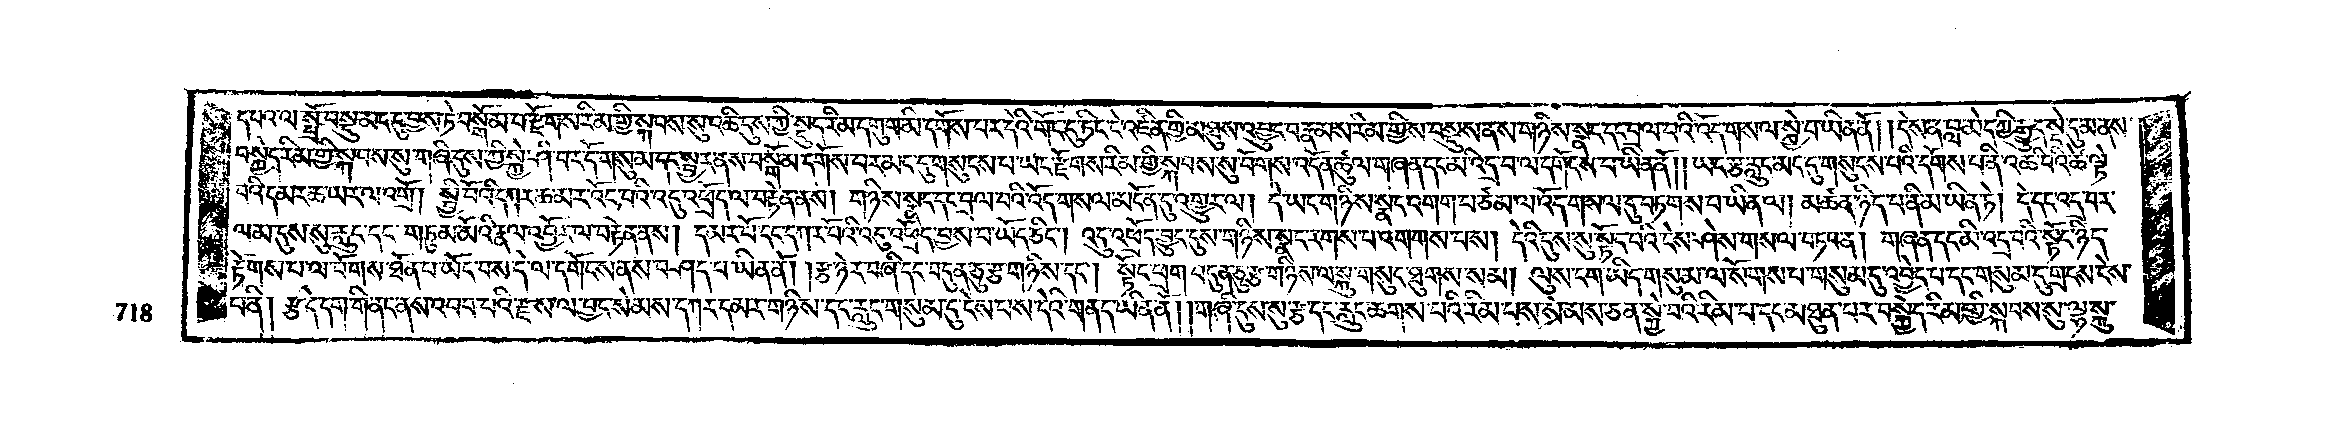དཔའ་ལ་སྤྲོ་བསྡུ་མང་དུ་བྱས་ཏེ་བསྒོམ་པ་རྫོགས་རིམ་གྱི་སྐབས་སུ་འཆི་དུས་ཀྱི་སྡུད་རིམ་དགུག་མི་དགོས་པར་དེའི་གོང་དུ་ཏིང་ངེ་འཛིན་གྱི་མཐུས་འབྱུང་བ་རྣམས་རིམ་གྱིས་བསྡུས་ནས་གཉིས་སྣང་དང་བྲལ་བའི་འོད་གསལ་སྐྱེ་བ་ཡིན་ནོ། །དེས་ན་བླ་མེད་ཀྱི་རྒྱུད་སྡེ་དུ་མ་ནས་
བསྐྱེད་རིམ་གྱི་སྐབས་སུ་གཞི་དུས་ཀྱི་སྐྱེ་ཤི་བར་དོ་གསུམ་དང་སྦྱར་ནས་བསྒོམ་དགོས་པར་མང་དུ་གསུངས་པ་ཡང་རྫོགས་རིམ་གྱི་སྐབས་སུ་བོགས་འདོན་ཚུལ་གཞན་དང་མི་འདྲ་བ་ལ་དགོངས་པ་ཡིན་ནོ། །ཡང་རྩ་རླུང་མང་དུ་གསུངས་པའི་དགོས་པ་ནི་འཆི་བའི་ཚེ་ལྟེ་
བའི་དམར་ཆ་ཡར་ལ་འགྲོ། སྤྱི་བོའི་དཀར་ཆ་མར་འོང་བའི་འདུ་འཕྲོད་ལ་བརྟེན་ནས། གཉིས་སྣང་དང་བྲལ་བའི་འོད་གསལ་མངོན་དུ་འགྱུར་ལ། དེ་ཡང་གཉིས་སྣང་འགག་པ་ཙམ་ལ་འོད་གསལ་དུ་བཏགས་པ་ཡིན་ལ། མཚན་ཉིད་པ་ནི་མ་ཡིན་ཏེ། དེ་དང་འདྲ་བར་
ལམ་དུས་སུ་རླུང་དང་གཏུམ་མོའི་རྣལ་འབྱོར་ལ་བརྟེན་ནས། དམར་པོ་དང་དཀར་པོའི་འདུ་འཕྲོད་བྱས་པ་ཡོད་ཅིང་། འདུ་འཕྲོད་བྱུང་དུས་གཉིས་སྣང་རགས་པ་འགགས་པས། དེའི་དུས་སུ་སྟོང་པའི་ངེས་ཤེས་གསལ་བཏབ་ན། གཞན་དང་མི་འདྲ་བའི་སྟོང་ཉིད་
རྟོགས་པ་ལ་བོགས་ཐོན་པ་ཡོད་པས་དེ་ལ་དགོངས་ནས་བཤད་པ་ཡིན་ནོ། །རྩ་ཉེར་བཞི་དང་བདུན་ཅུ་རྩ་གཉིས་དང་། སྟོང་ཕྲག་བདུན་ཅུ་རྩ་གཉིས་ལ་སྐུ་གསུང་ཐུགས་སམ། ལུས་ངག་ཡིད་གསུམ་ལ་སོགས་པ་གསུམ་དུ་འབྱེད་པ་དང་གསུམ་དུ་གྲངས་ངེས་
པ་ནི། རྩ་དེ་དག་གི་ནང་ནས་འབབ་པའི་རྫས་ལ་བྱང་སེམས་དཀར་དམར་གཉིས་དང་རླུང་གསུམ་དུ་ངེས་པས་དེའི་གནད་ཡིན་ནོ། །གཞི་དུས་སུ་རྩ་དང་རླུང་ཆགས་པའི་རིམ་པས་སེམས་ཅན་སྐྱེ་བའི་རིམ་པ་དང་མཐུན་པར་བསྐྱེད་རིམ་གྱི་སྐབས་སུ་ལྷ་སྐུ་